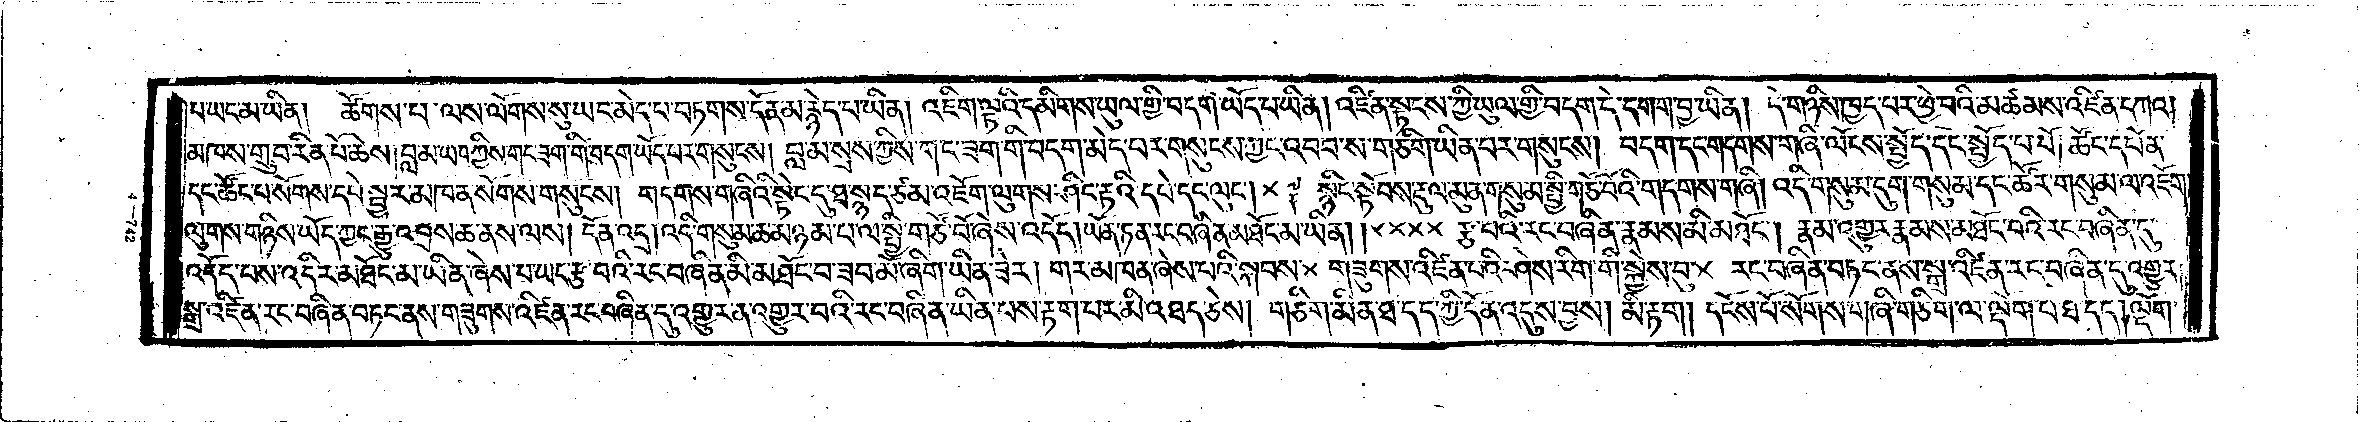པ་ཡང་མ་ཡིན། ཚོགས་པ་ལས་ལོགས་སུ་ཡང་མེད་པ་བཏགས་དོན་མ་རྙེད་པ་ཡིན། འཇིག་ལྟའི་དམིགས་ཡུལ་གྱི་བདག་ཡོད་པ་ཡིན། འཛིན་སྟངས་ཀྱི་ཡུལ་གྱི་བདག་དེ་དགག་བྱ་ཡིན། དེ་གཉིས་ཁྱད་པར་ཕྱེ་བའི་མཚམས་འཛིན་དཀའ།
མཁས་གྲུབ་རིན་པོ་ཆེས། བླ་མ་ཡབ་ཀྱིས་གང་ཟག་གི་བདག་ཡོད་པར་གསུངས། བླ་མ་སྲས་ཀྱིས་གང་ཟག་གི་བདག་མེད་པར་གསུངས་ཀྱང་འབབ་ས་གཅིག་ཡིན་པར་གསུངས། བདག་དང་གདགས་གཞི་ལོངས་སྤྱོད་དང་སྤྱོད་པ་པོ། ཚོང་དཔོན་
དང་ཚོང་པ་སོགས་དཔེ་སྦྱར་མཁན་སོགས་གསུངས། གདགས་གཞིའི་སྟེང་དུ་ཐ་སྙད་ཙམ་འཇོག་ལུགས་ཤིང་རྟའི་དཔེ་དང་ལུང་། ྾་༈ སྙིང་སྟོབས་རྡུལ་མུན་གསུམ་སྤྱི་གཙོ་བོའི་གདགས་གཞི། འདི་གསུམ་དུག་གསུམ་དང་ཚོར་གསུམ་ལ་འཇོག་
ལུགས་གཉིས་ཡོད་ཀྱང་རྒྱུ་འབྲས་ཆ་ནས་ལས། དོན་འདྲ། འདི་གསུམ་ཆ་མཉམ་པ་ལ་སྤྱི་གཙོ་བོ་ཞེས་འདོད། ཡོན་ཏན་རང་བཞིན་མཐོང་མ་ཡིན། །྾་྾་྾་྾་རྩ་བའི་རང་བཞིན་རྣམས་མི་མཐོང་། རྣམ་འགྱུར་རྣམས་མཐོང་བའི་རང་བཞིན་དུ་
འདོད་པས་འདིར་མཐོང་མ་ཡིན་ཞེས་པ་ཡང་རྩ་བའི་རང་བཞིན་མི་མཐོང་བ་ཟབ་མོ་ཞིག་ཡིན་ཟེར། གར་མཁན་ཞེས་པའི་སྐབས་྾་གཟུགས་འཛིན་པའི་ཤེས་རིག་གི་སྐྱེས་བུ་྾་རང་བཞིན་བཏང་ནས་སྒྲ་འཛིན་རང་བཞིན་དུ་འགྱུར་
སྒྲ་འཛིན་རང་བཞིན་བཏང་ནས་གཟུགས་འཛིན་རང་བཞིན་དུ་འགྱུར་ན་འགྱུར་བའི་རང་བཞིན་ཡིན་པས་རྟག་པར་མི་འཐད་ཅེས། གཅིག་མིན་ཐ་དད་ཀྱི་དོན་འདུས་བྱས། མི་རྟག། དངོས་པོ་སོགས་གཞི་གཅིག་ལ་ལྡོག་པ་ཐ་དད་།ལྡོག་